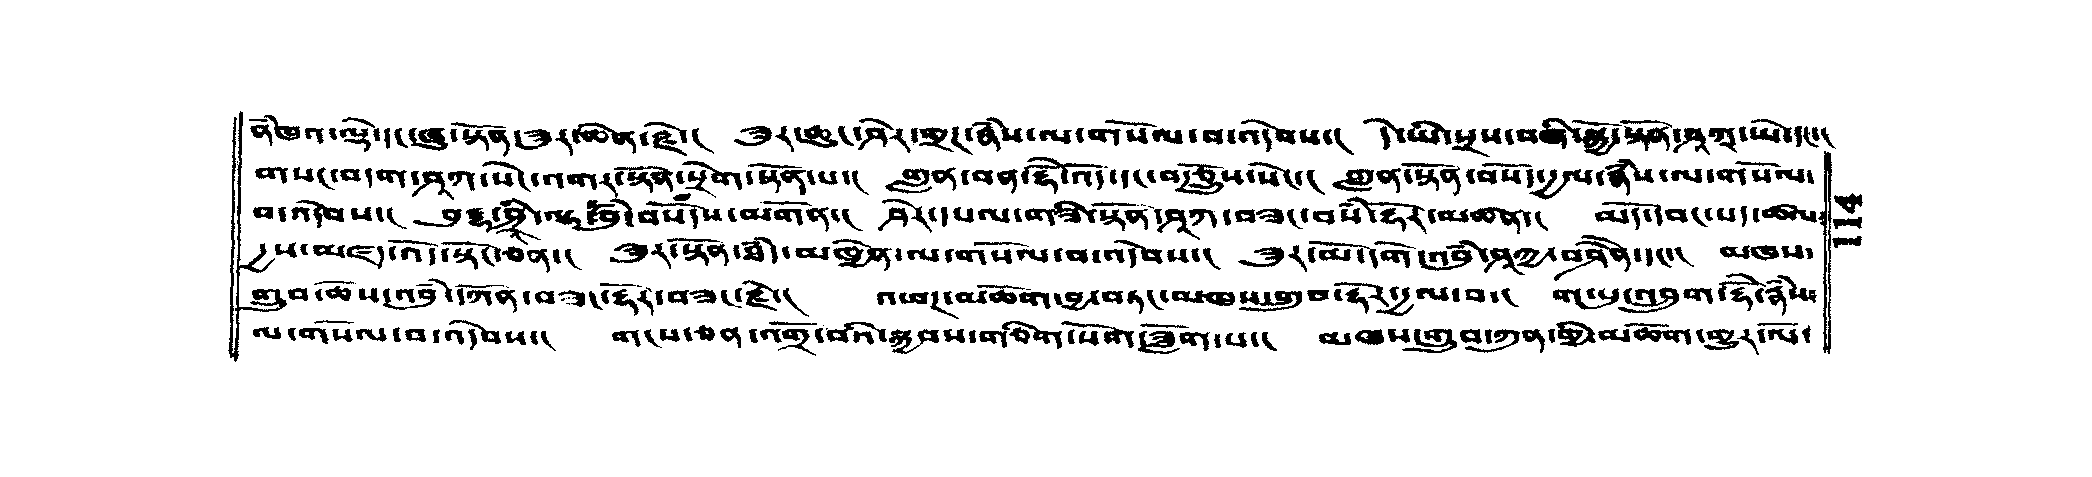།ནམ་མཁའ་ལྡེ་དང་ཞུ་སྟོན་ཟུར་ཆེན་རྗེ། །ཟུར་ཆུང་ཤེར་གྲགས་རྣམས་ལ་གསོལ་བ་འདེབས། །དེ་ཡི་སྲས་བཞི་སྐྱོ་སྟོན་ཤཱཀ་ཡེ་དང་། །
གསང་བདག་ཤཱཀ་སེང་འགར་སྟོན་སྲེག་སྟོན་པ། །གླན་བན་རྡོ་རྗེ་འོད་དང་བརྩོན་འགྲུས་སེང་། །གླན་སྟོན་བསོད་རྒྱལ་རྣམས་ལ་གསོལ་
བ་འདེབས། །བུདྡྷ་ཤྲཱི་ལྷ་འབུམ་བསོད་ནམས་མགོན། །ཤེར་དཔལ་གཟི་སྟོན་ཤཱཀ་བཟང་བསམ་རྡོར་མཚན། །མདོ་དབང་པད་ཚལ་
རྒྱས་མཛད་འོད་སྟོང་ཅན། །ཟུར་སྟོན་ཐམས་ཅད་མཁྱེན་ལ་གསོལ་བ་འདེབས། །ཟུར་མོ་དགེ་འབུམ་ཤཱཀྱ་བཤེས་གཉེན་དང་། མཁས་
གྲུབ་ཆོས་འབུམ་དཀོན་བཟང་རྡོར་བཟང་རྗེ། །འཕགས་མཆོག་བྱ་བཏང་མཁས་གྲུབ་རྡོར་རྒྱལ་བ། །གཡུ་འབྲུག་རྡོ་རྗེ་རྣམས་
ལ་གསོལ་བ་འདེབས། །གངས་ཅན་འགྲོ་བའི་སྐྱབས་གཅིག་སོག་ཟློག་པ། །མཁས་གྲུབ་ཀུན་གྱི་མཆོག་གྱུར་ལོ་